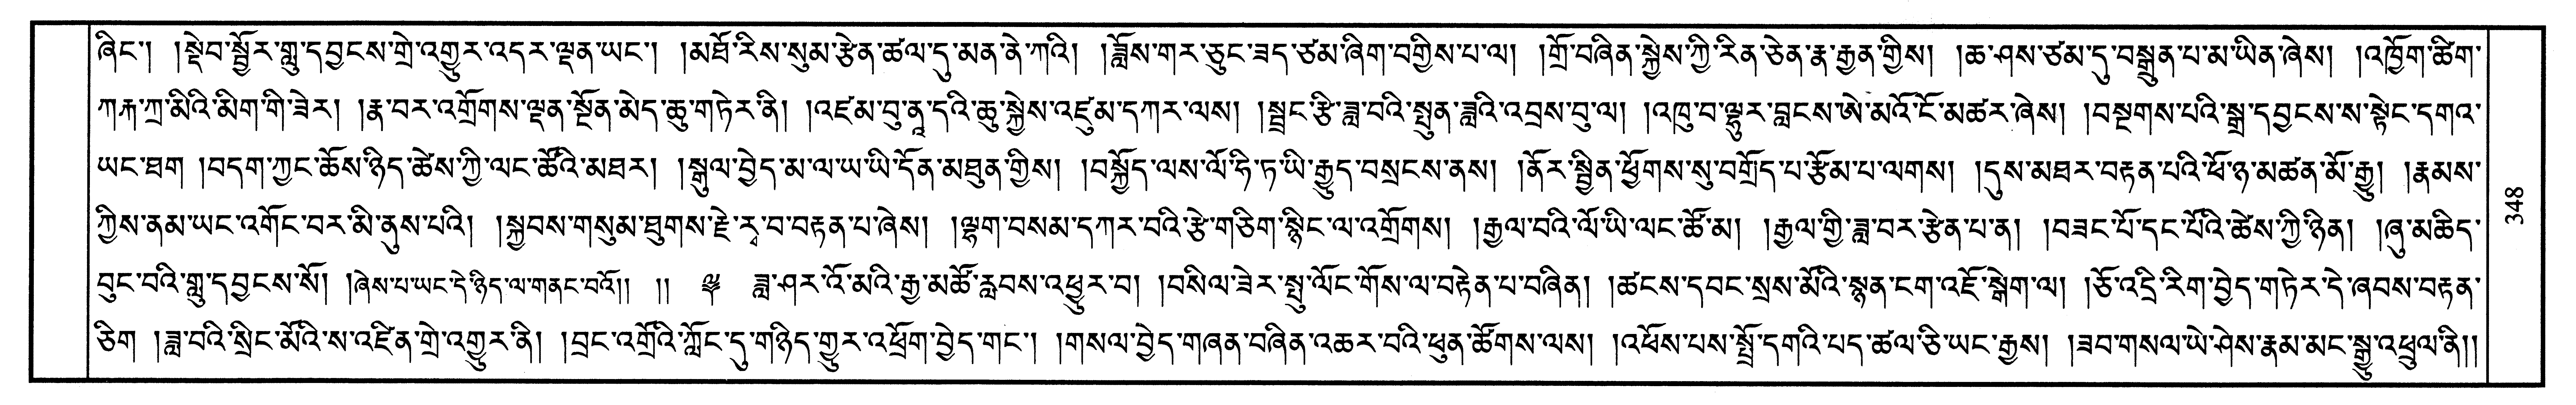ཞིང་། །སྡེབ་སྦྱོར་གླུ་དབྱངས་གྲེ་འགྱུར་འདར་ལྡན་ཡང་། །མཐོ་རིས་སུམ་རྩེན་ཚལ་དུ་མན་ནེ་ཀའི། །ཟློས་གར་ཅུང་ཟད་ཙམ་ཞིག་བགྱིས་པ་ལ། །གྲོ་བཞིན་སྐྱེས་ཀྱི་རིན་ཅེན་རྣ་རྒྱན་གྱིས། །ཆ་ཤས་ཙམ་དུ་བསྒྲུན་པ་མ་ཡིན་ཞེས། །འཁྱོག་ཚིག་
ཀརྐ་ཀྲ་མིའི་མིག་གི་ཟེར། །རྣ་བར་འགྲོགས་ལྡན་སྔོན་མེད་ཆུ་གཏེར་ནི། །འཛམ་བུ་ནཱ་དའི་ཆུ་སྐྱེས་འཛུམ་དཀར་ལས། །སྦྲང་རྩི་ཟླ་བའི་སྤུན་ཟླའི་འབྲས་བུ་ལ། །འཁུ་བ་ལྷུར་བླངས་ཨེ་མའོ་ངོ་མཚར་ཞེས། །བསྔགས་པའི་སྒྲ་དབྱངས་ས་སྟེང་དགའ་
ཡང་ཐག །བདག་ཀྱང་ཆོས་ཉིད་ཚེས་ཀྱི་ལང་ཚོའི་མཐར། །སྒུལ་བྱེད་མ་ལ་ཡ་ཡི་དོན་མཐུན་གྱིས། །བསྐྱོད་ལས་ལོ་ཧི་ཏ་ཡི་རྒྱུད་བསྲངས་ནས། །ནོར་སྦྱིན་ཕྱོགས་སུ་བགྲོད་པ་རྩོམ་པ་ལགས། །དུས་མཐར་བརྟན་པའི་ཕོ་ཉ་མཚན་མོ་རྒྱུ། །རྣམས་
ཀྱིས་ནམ་ཡང་འགོང་བར་མི་ནུས་པའི། །སྐྱབས་གསུམ་ཐུགས་རྗེ་རྭ་བ་བརྟན་པ་ཞེས། །ལྷག་བསམ་དཀར་བའི་རྩེ་གཅིག་སྙིང་ལ་འགྲོགས། །རྒྱལ་བའི་ལོ་ཡི་ལང་ཚོ་མ། །རྒྱལ་གྱི་ཟླ་བར་རྩེན་པ་ན། །བཟང་པོ་དང་པོའི་ཚེས་ཀྱི་ཉིན། །ཞུ་མཆིད་
བུང་བའི་གླུ་དབྱངས་སོ། །ཞེས་པ་ཡང་དེ་ཉིད་ལ་གནང་བའོ།། །། ༈ ཟླ་ཤར་འོ་མའི་རྒྱ་མཚོ་རླབས་འཕྱུར་བ། །བསིལ་ཟེར་སྤུ་ལོང་གོས་ལ་བརྟེན་པ་བཞིན། །ཚངས་དབང་སྲས་མོའི་སྙན་ངག་འཇོ་སྒེག་ལ། །ཅོ་འདྲི་རིག་བྱེད་གཏེར་དེ་ཞབས་བརྟན་
ཅིག །ཟླ་བའི་སྲིང་མོའི་ས་འཛིན་གྲེ་འགྱུར་ནི། །བྲང་འགྲོའི་ཀློང་དུ་གཉིད་གྱུར་འཕྲོག་བྱེད་གང་། །གསལ་བྱེད་གཞན་བཞིན་འཆར་བའི་ཕུན་ཚོགས་ལས། །འཕོས་པས་སྤྲོ་དགའི་པད་ཚལ་ཅི་ཡང་རྒྱས། །ཟབ་གསལ་ཡེ་ཤེས་རྣམ་མང་སྒྱུ་འཕྲུལ་ནི།།